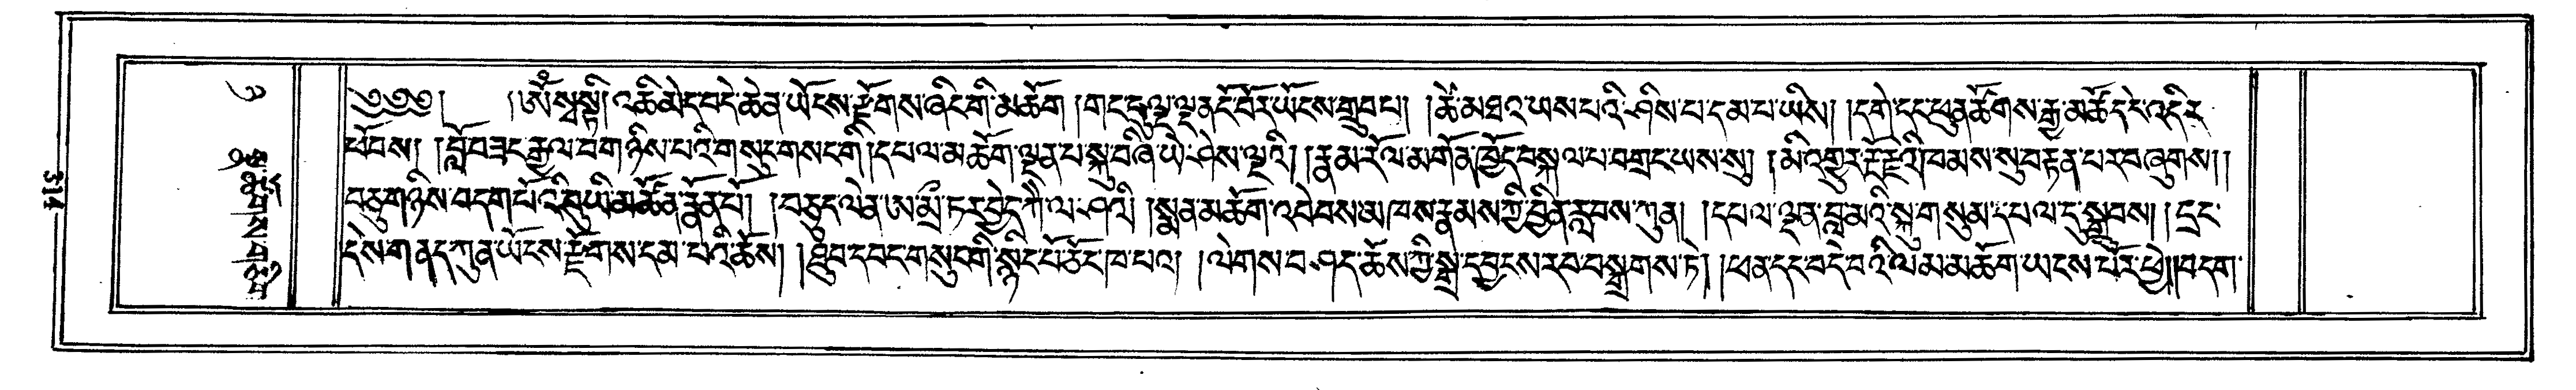༄༅༅། །ཨོཾ་སྭསྟི། འཆི་མེད་བདེ་ཆེན་ཡོངས་རྫོགས་ཞིང་གི་མཆོག །གང་དུ་ལྔ་ལྡན་ངོ་བོར་ཡོངས་གྲུབ་པ། །ཚེ་མཐའ་ཡས་པའི་ཤིས་པ་དམ་པ་ཡིས། །དགེ་དང་ཕུན་ཚོགས་རྒྱ་མཚོ་དེང་འདིར་
ཕོབས། །བློ་བཟང་རྒྱལ་བ་གཉིས་པའི་གསུང་གསང་གི། དཔལ་མཆོག་ལྡན་པ་སྐུ་བཞི་ཡེ་ཤེས་ལྔའི། །རྣམ་རོལ་མགོན་ཁྱོད་བསྐལ་པ་བགྲང་ཡས་སུ། །མི་འགྱུར་རྡོ་རྗེའི་ཁམས་སུ་བརྟན་པར་བཞུགས།།
བཅུ་གཉིས་བདག་པོའི་བུ་ཡི་མཚོན་རྣོན་པོ། །བཅུད་ལེན་ཨ་མྲྀ་ཏར་བྱེད་ཀཻ་ལ་ཤའི། །སྨན་མཆོག་འབེབས་མཁས་རྣམས་ཀྱི་བྱིན་རླབས་ཀུན། །དཔལ་ལྡན་བླ་མའི་སྐུ་གསུམ་དཔལ་དུ་སྒྲུབས། །དྲང་
དེས་གནད་ཀུན་ཡོངས་རྫོགས་དམ་པའི་ཆོས། །ཐུབ་དབང་གསུང་གི་སྙིང་པོ་ཙོང་ཁ་པའི། །ལེགས་བཤད་ཆོས་ཀྱི་སྒྲ་དབྱངས་རབ་བསྒྲགས་ཏེ། །ཕན་དང་བདེ་བའི་ལམ་མཆོག་ཡངས་པོར་ཕྱེ། །བདག་